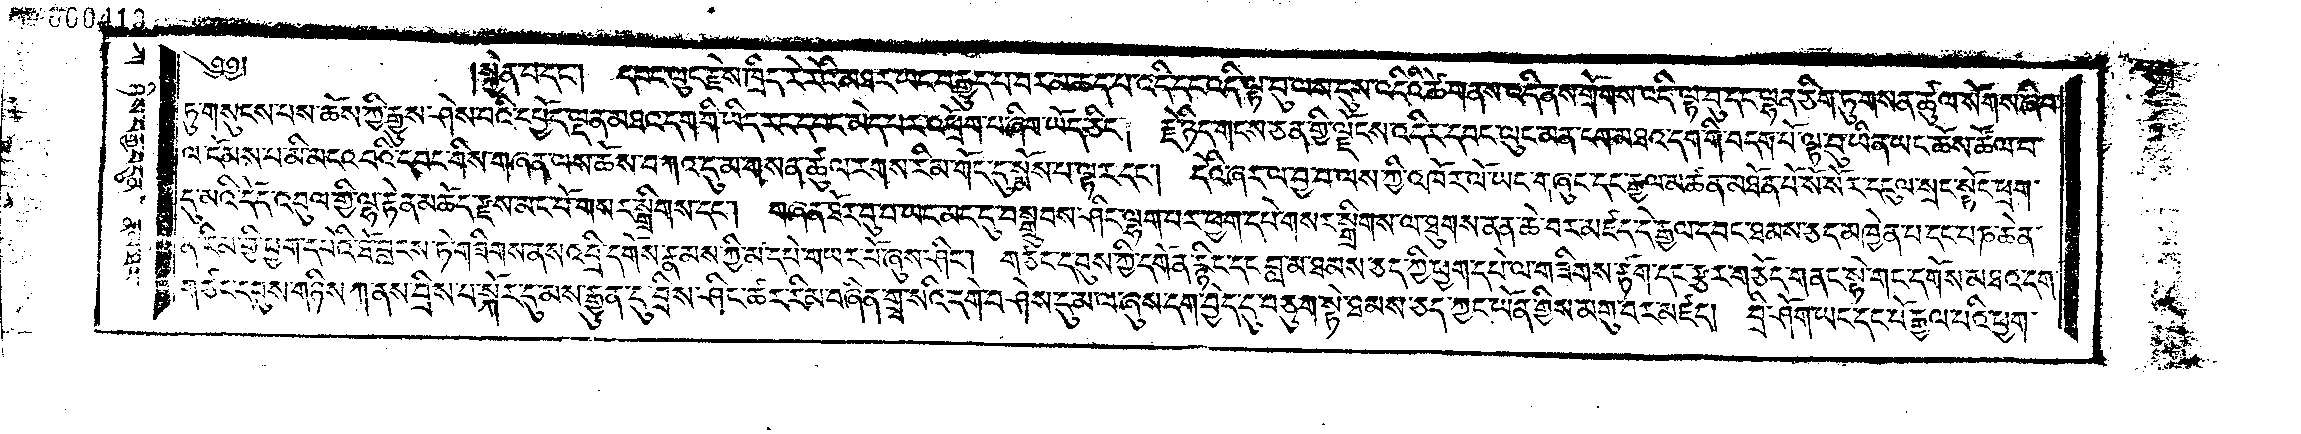༄༅། །སྐྱེན་པ་དང་། དབང་ལུང་རྗེས་ཁྲིད་རེ་རེའི་མཐར་ཡང་བརྒྱུད་པ་བར་མ་ཆད་པ་འདི་དང་འདི་ལྟ་བུ་ལས་དུས་འདིའི་ཚེ་གནས་འདི་ནས་གྲོགས་འདི་ལྟ་བུ་དང་ལྷན་ཅིག་ཏུ་གསན་ཚུལ་སོགས་ཞིབ་
ཏུ་གསུངས་པས་ཆོས་ཀྱི་རྒྱུས་ཤེས་པའི་དབྱོད་ལྡན་མཐའ་དག་གི་ཡིད་རང་དབང་མེད་པར་འཕྲོག་པ་ཞིག་ཡོད་ཅིང་། རྗེ་ཉིད་གངས་ཅན་གྱི་ལྗོངས་འདིར་དབང་ལུང་མན་ངག་མཐའ་དག་གི་བདག་པོ་ལྟ་བུ་ཡིན་ཡང་ཆོས་ཚོལ་བ་
ལ་ངོམས་པ་མི་མངའ་བའི་དབང་གིས་གཞན་ལས་ཆོས་བཀའ་དུ་མ་གསན་ཚུལ་རགས་རིམ་གོང་དུ་སྨོས་པ་ལྟར་དང་། དེའི་ཞར་ལ་བྱ་བ་ལས་ཀྱི་འཁོར་ལོ་ཡང་གཞུང་དང་རྒྱལ་མཚན་མཐོན་པོ་སོ་སོར་དངུལ་སྲང་སྟོང་ཕྲག་
དུ་མའི་དོད་འབུལ་གྱི་ལྷ་རྟེན་མཆོད་རྫས་མང་པོ་གསར་སྒྲིགས་དང་། གཞན་ཐོར་བུ་པ་ཡང་མང་དུ་བསྒྲུབས་ཤིང་ལྷག་པར་ཕྱག་དཔེ་གསར་སྒྲིགས་ལ་ཐུགས་ནན་ཆེ་བར་མཛད་དེ་རྒྱལ་དབང་ཐམས་ཅད་མཁྱེན་པ་དང་པཎ་ཆེན་
ན་རིམ་གྱི་ཕྱག་དཔེའི་ཐོ་བླངས་ཏེ་གཟིགས་ནས་འབྲི་དགོས་རྣམས་ཀྱི་མ་དཔེ་གཡར་པོ་ཞུས་ཤིང་། གཅིང་དབུས་ཀྱི་དགོན་རྙིང་དང་བླ་མ་ཐམས་ཅད་ཀྱི་ཕྱག་དཔེ་ལ་གཟིགས་རྟོག་དང་རྩར་གཅོད་གནང་སྟེ་གང་དགོས་མཐའ་དག་
གཙང་དབུས་གཉིས་ཀ་ནས་བྲིས་པ་སྐོར་དུ་མས་རྒྱུན་དུ་བྲིས་ཤིང་ཚར་རིམ་བཞིན་གྲྭ་སའི་དགེ་བཤེས་དུ་མ་ལ་ཞུས་དག་བྱེད་དུ་བཅུག་སྟེ་ཐམས་ཅད་ཀྱང་ཡོན་གྱིས་མགུ་བར་མཛད། བྲི་ཤོག་ཡང་དང་པོ་རྒྱལ་བའི་ཕྱག་